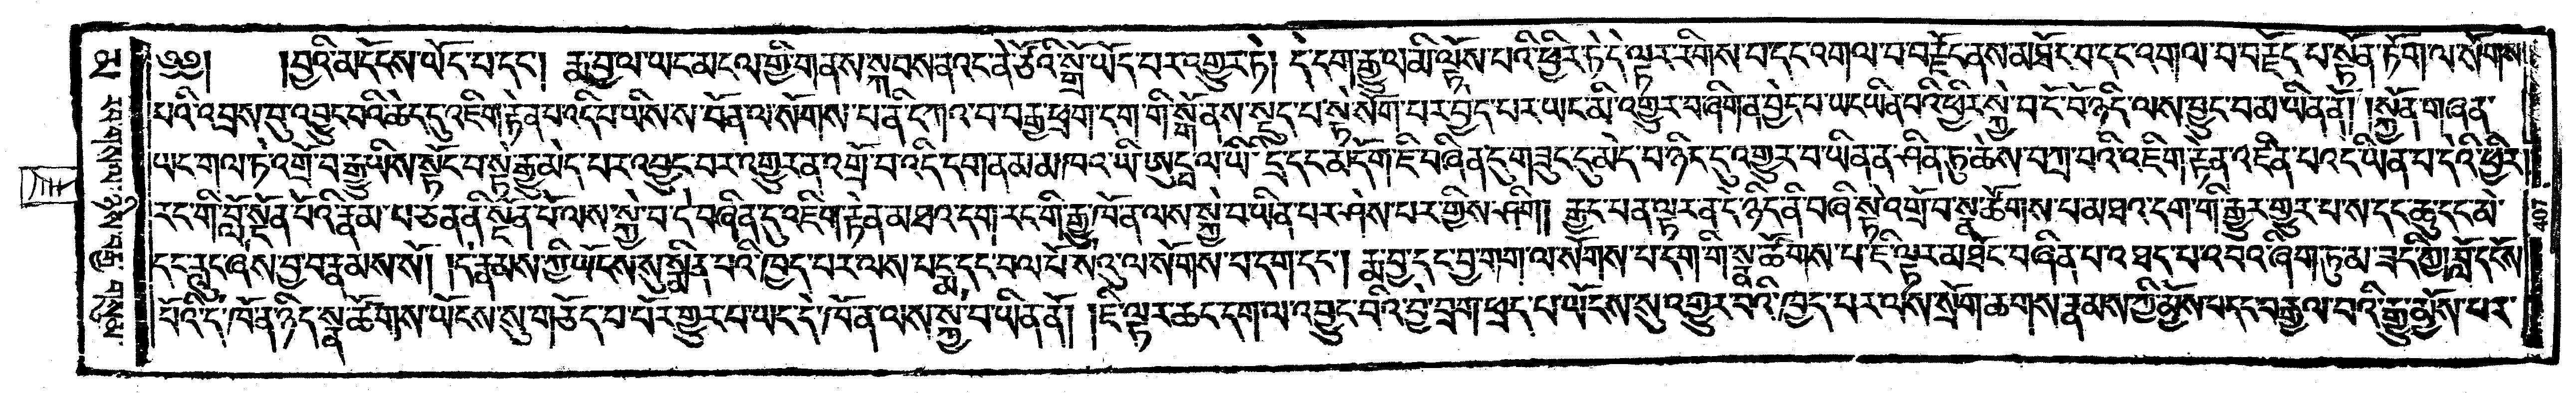༄༅། །བྱའི་མདོངས་ཡོད་པ་དང་། རྨ་བྱ་ལ་ཡང་མངལ་གྱི་གནས་སྐབས་ནའང་ནེ་ཙོའི་སྒྲོ་ཡོད་པར་འགྱུར་ཏེ། དེ་དག་རྒྱུ་ལ་མི་ལྟོས་པའི་ཕྱིར་ཏེ་དེ་ལྟར་རིགས་པ་དང་འགལ་བ་བརྗོད་ནས་མཐོང་བ་དང་འགལ་བ་བརྗོད་པ་སྟོན་ཏོག་ལ་སོགས་
པའི་འབྲས་བུ་འབྱུང་བའི་ཆེད་དུ་འཇིག་རྟེན་པ་འདི་བ་ཡིས་ས་བོན་ལ་སོགས་པ་ནི་དཀའ་བ་བརྒྱ་ཕྲག་དག་གི་སྒོ་ནས་སྡུད་པ་སྟེ་གསོག་པར་བྱེད་པར་ཡང་མི་འགྱུར་བ་ཞིག་ན་བྱེད་པ་ཡང་ཡིན་པའི་ཕྱིར་སྐྱེ་བ་ངོ་བོ་ཉིད་ལས་བྱུང་བ་མ་ཡིན་ནོ། །སྐྱོན་གཞན་
ཡང་གལ་ཏེ་འགྲོ་བ་རྒྱུ་ཡིས་སྟོང་པ་སྟེ་རྒྱུ་མེད་པར་འབྱུང་བར་འགྱུར་ན་འགྲོ་བ་འདི་དག་ནམ་མཁའ་ཡི་ཨུདཔལ་ཡི་དྲི་དང་མདོག་ཇི་བཞིན་དུ་གཟུང་དུ་མེད་པ་ཉིད་དུ་འགྱུར་བ་ཡིན་ན་ཤིན་ཏུ་ཆེས་བཀྲ་བའི་འཇིག་རྟེན་འཛིན་པའང་ཡིན་པ་དེའི་ཕྱིར་
རང་གི་བློ་སྔོན་པོའི་རྣམ་པ་ཅན་ནི་སྔོན་པོ་ལས་སྐྱེ་བ་དེ་བཞིན་དུ་འཇིག་རྟེན་མཐའ་དག་རང་གི་རྒྱུ་ཁོ་ན་ལས་སྐྱེ་བ་ཡིན་པར་ཤེས་པར་གྱིས་ཤིག། རྒྱང་ཕན་ལྟར་ན་དེ་ཉིད་ནི་བཞི་སྟེ་འགྲོ་བ་སྣ་ཚོགས་པ་མཐའ་དག་གི་རྒྱུར་གྱུར་པ་ས་དང་ཆུ་དང་མེ་
དང་རླུང་ཞེས་བྱ་བ་རྣམས་སོ། །དེ་རྣམས་ཀྱི་ཡོངས་སུ་སྨིན་པའི་ཁྱད་པར་ལས་པདྨ་དང་བལ་པོ་སེའུ་ལ་སོགས་པ་དག་དང་། རྨ་བྱ་དང་བྱ་གག་ལ་སོགས་པ་དག་གི་སྣ་ཚོགས་པ་ཇི་ལྟར་མཐོང་བཞིན་པ་འཐད་པ་འབའ་ཞིག་ཏུ་མ་ཟད་ཀྱི། བློ་དངོས་
པོའི་དེ་ཁོ་ན་ཉིད་སྣ་ཚོགས་ཡོངས་སུ་གཅོད་པ་པོར་གྱུར་པ་ཡང་དེ་ཁོ་ན་ལས་སྐྱེ་བ་ཡིན་ནོ། །ཇི་ལྟར་ཆང་དག་ལ་འབྱུང་བའི་བྱེ་བྲག་ཕྲད་པ་ཡོངས་སུ་འགྱུར་བའི་ཁྱད་པར་ལས་སྲོག་ཆགས་རྣམས་ཀྱི་མྱོས་པ་དང་བརྒྱལ་བའི་རྒྱུ་མྱོས་པར་